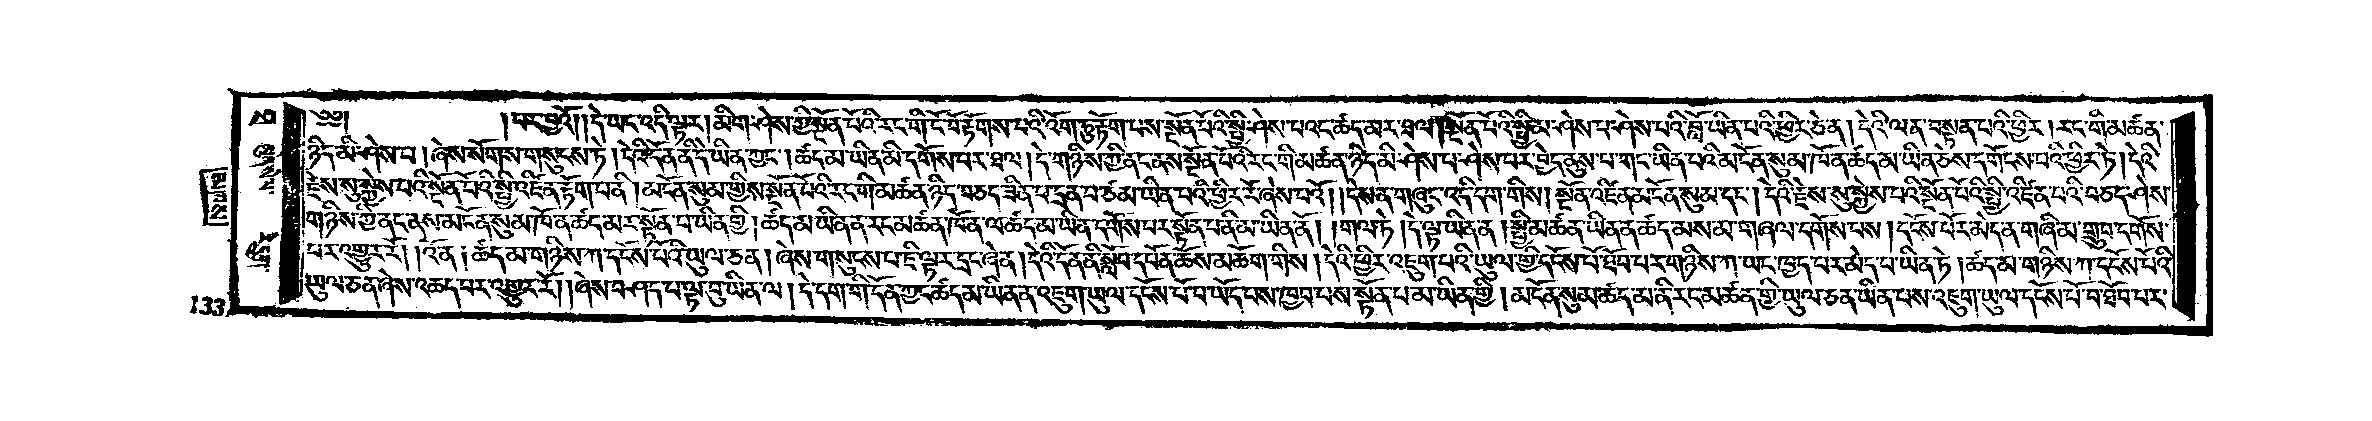༄༅། །པར་བྱའོ། །དེ་ཡང་འདི་ལྟར། མིག་ཤེས་ཀྱི་སྔོན་པོའི་རང་གི་ངོ་བོ་རྟོགས་པའི་འོག་ཏུ་རྟོག་པས་སྔོན་པོའི་སྤྱི་ཤེས་པའང་ཚད་མར་ཐལ། སྔོན་པོའི་སྤྱི་མ་ཤེས་པ་ཤེས་པའི་བློ་ཡིན་པའི་ཕྱིར་ཅེ་ན། དེའི་ལན་བསྟན་པའི་ཕྱིར། རང་གི་མཚན་
ཉིད་མི་ཤེས་པ། ཞེས་སོགས་གསུངས་ཏེ། དེའི་དོན་ནི་དེ་ཡིན་ཀྱང་། ཚད་མ་ཡིན་མི་དགོས་པར་ཐལ། དེ་གཉིས་ཀྱི་ནང་ནས་སྔོན་པོའི་རང་གི་མཚན་ཉིད་མི་ཤེས་པ་ཤེས་པར་བྱེད་ནུས་པ་གང་ཡིན་པའི་མངོན་སུམ་ཁོ་ན་ཚད་མ་ཡིན་ཅེས་དགོངས་པའི་ཕྱིར་ཏེ། དེའི་
རྗེས་སུ་སྐྱེས་པའི་སྔོན་པོའི་སྤྱི་འཛིན་རྟོག་པ་ནི། མངོན་སུམ་གྱིས་སྔོན་པོའི་རང་གི་མཚན་ཉིད་བཅད་ཟིན་པ་དྲན་པ་ཙམ་ཡིན་པའི་ཕྱིར་རོ་ཞེས་པའོ། །དེས་ན་གཞུང་འདི་དག་གིས། སྔོན་འཛིན་མངོན་སུམ་དང་། དེའི་རྗེས་སུ་སྐྱེས་པའི་སྔོན་པོའི་སྤྱི་འཛིན་པའི་བཅད་ཤེས་
གཉིས་ཀྱི་ནང་ནས་མངོན་སུམ་ཁོ་ན་ཚད་མར་སྟོན་པ་ཡིན་གྱི་།ཚད་མ་ཡིན་ན་རང་མཚན་ཁོ་ན་ལ་ཚད་མ་ཡིན་དགོས་པར་སྟོན་པ་ནི་མ་ཡིན་ནོ། །གལ་ཏེ་།དེ་ལྟ་ཡིན་ན་།སྤྱི་མཚན་ཡིན་ན་ཚད་མས་མ་གཞལ་དགོས་པས། དངོས་པོར་མེད་ན་གཞི་མ་གྲུབ་དགོས་
པར་འགྱུར་རོ། །འོ་ན། ཚད་མ་གཉིས་ཀ་དངོས་པོའི་ཡུལ་ཅན། ཞེས་གསུངས་པ་ཇི་ལྟར་དྲང་ཞེ་ན། དེའི་དོན་ནི་སློབ་དཔོན་ཆོས་མཆོག་གིས། དེའི་ཕྱིར་འཇུག་པའི་ཡུལ་གྱི་དངོས་པོ་ཐོབ་པར་གཉིས་ཀ་ཡང་ཁྱད་པར་མེད་པ་ཡིན་ཏེ། ཚད་མ་གཉིས་ཀ་དངོས་པོའི་
ཡུལ་ཅན་ཞེས་འཆད་པར་འགྱུར་རོ། །ཞེས་བཤད་པ་ལྟ་བུ་ཡིན་ལ། དེ་དག་གི་དོན་ཀྱང་ཚད་མ་ཡིན་ན་འཇུག་ཡུལ་དངོས་པོ་བ་ཡོད་པས་ཁྱབ་པས་སྟོན་པ་མ་ཡིན་གྱི། མངོན་སུམ་ཚད་མ་ནི་རང་མཚན་གྱི་ཡུལ་ཅན་ཡིན་པས་འཇུག་ཡུལ་དངོས་པོ་བ་ཐོབ་པར་